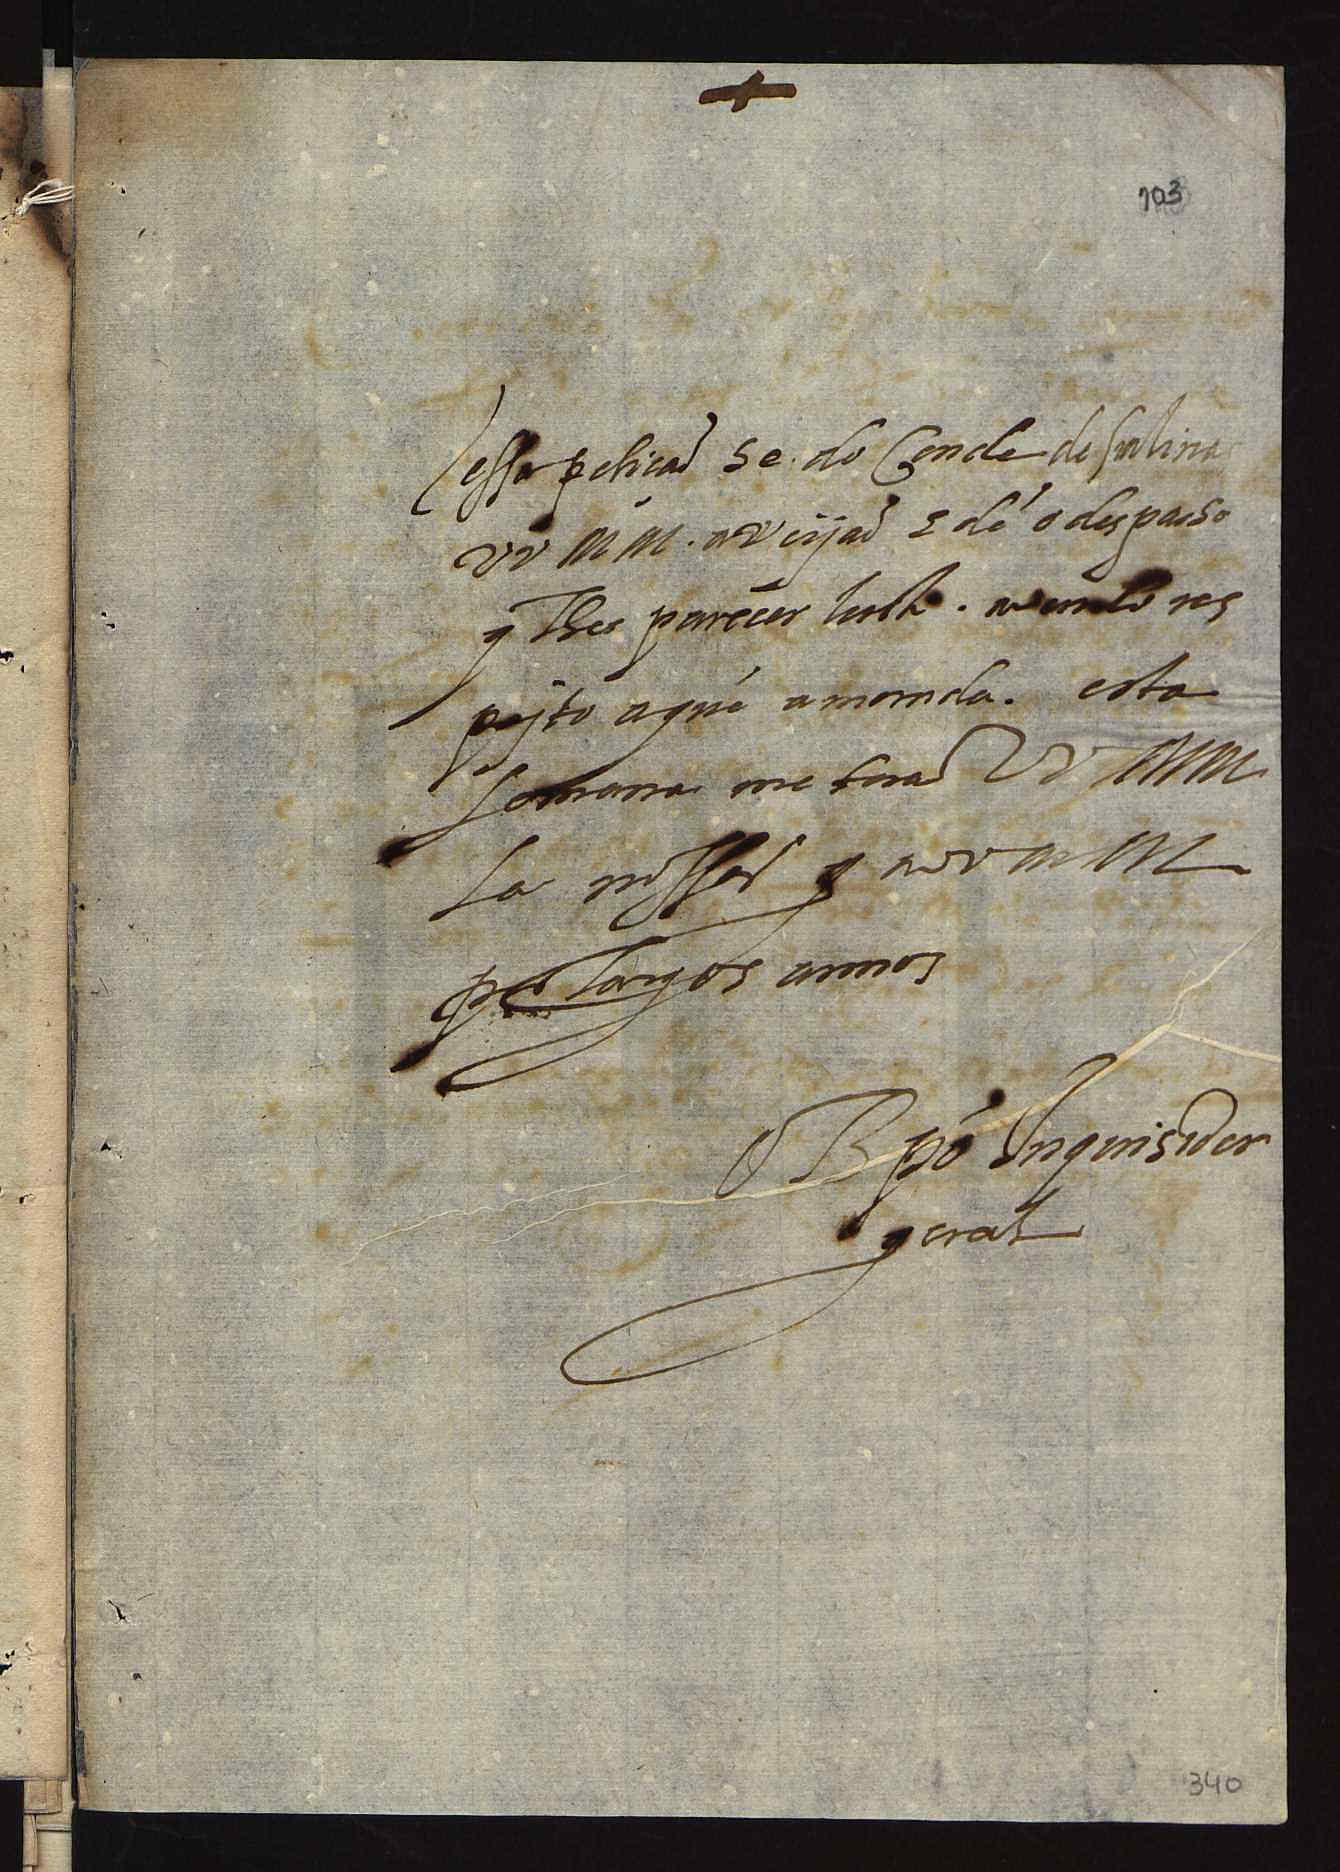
essa petiçaõ he do Conde de Salinas
VV MM. a veijaõ E dē o despacho
q̄ lhes parecer Iusto. avendo res
pejto a quē a mamda. esta
somana me teraõ VV MM
La nossor g a v mM
por largos annos
O Bpō Inquisidor
geral
